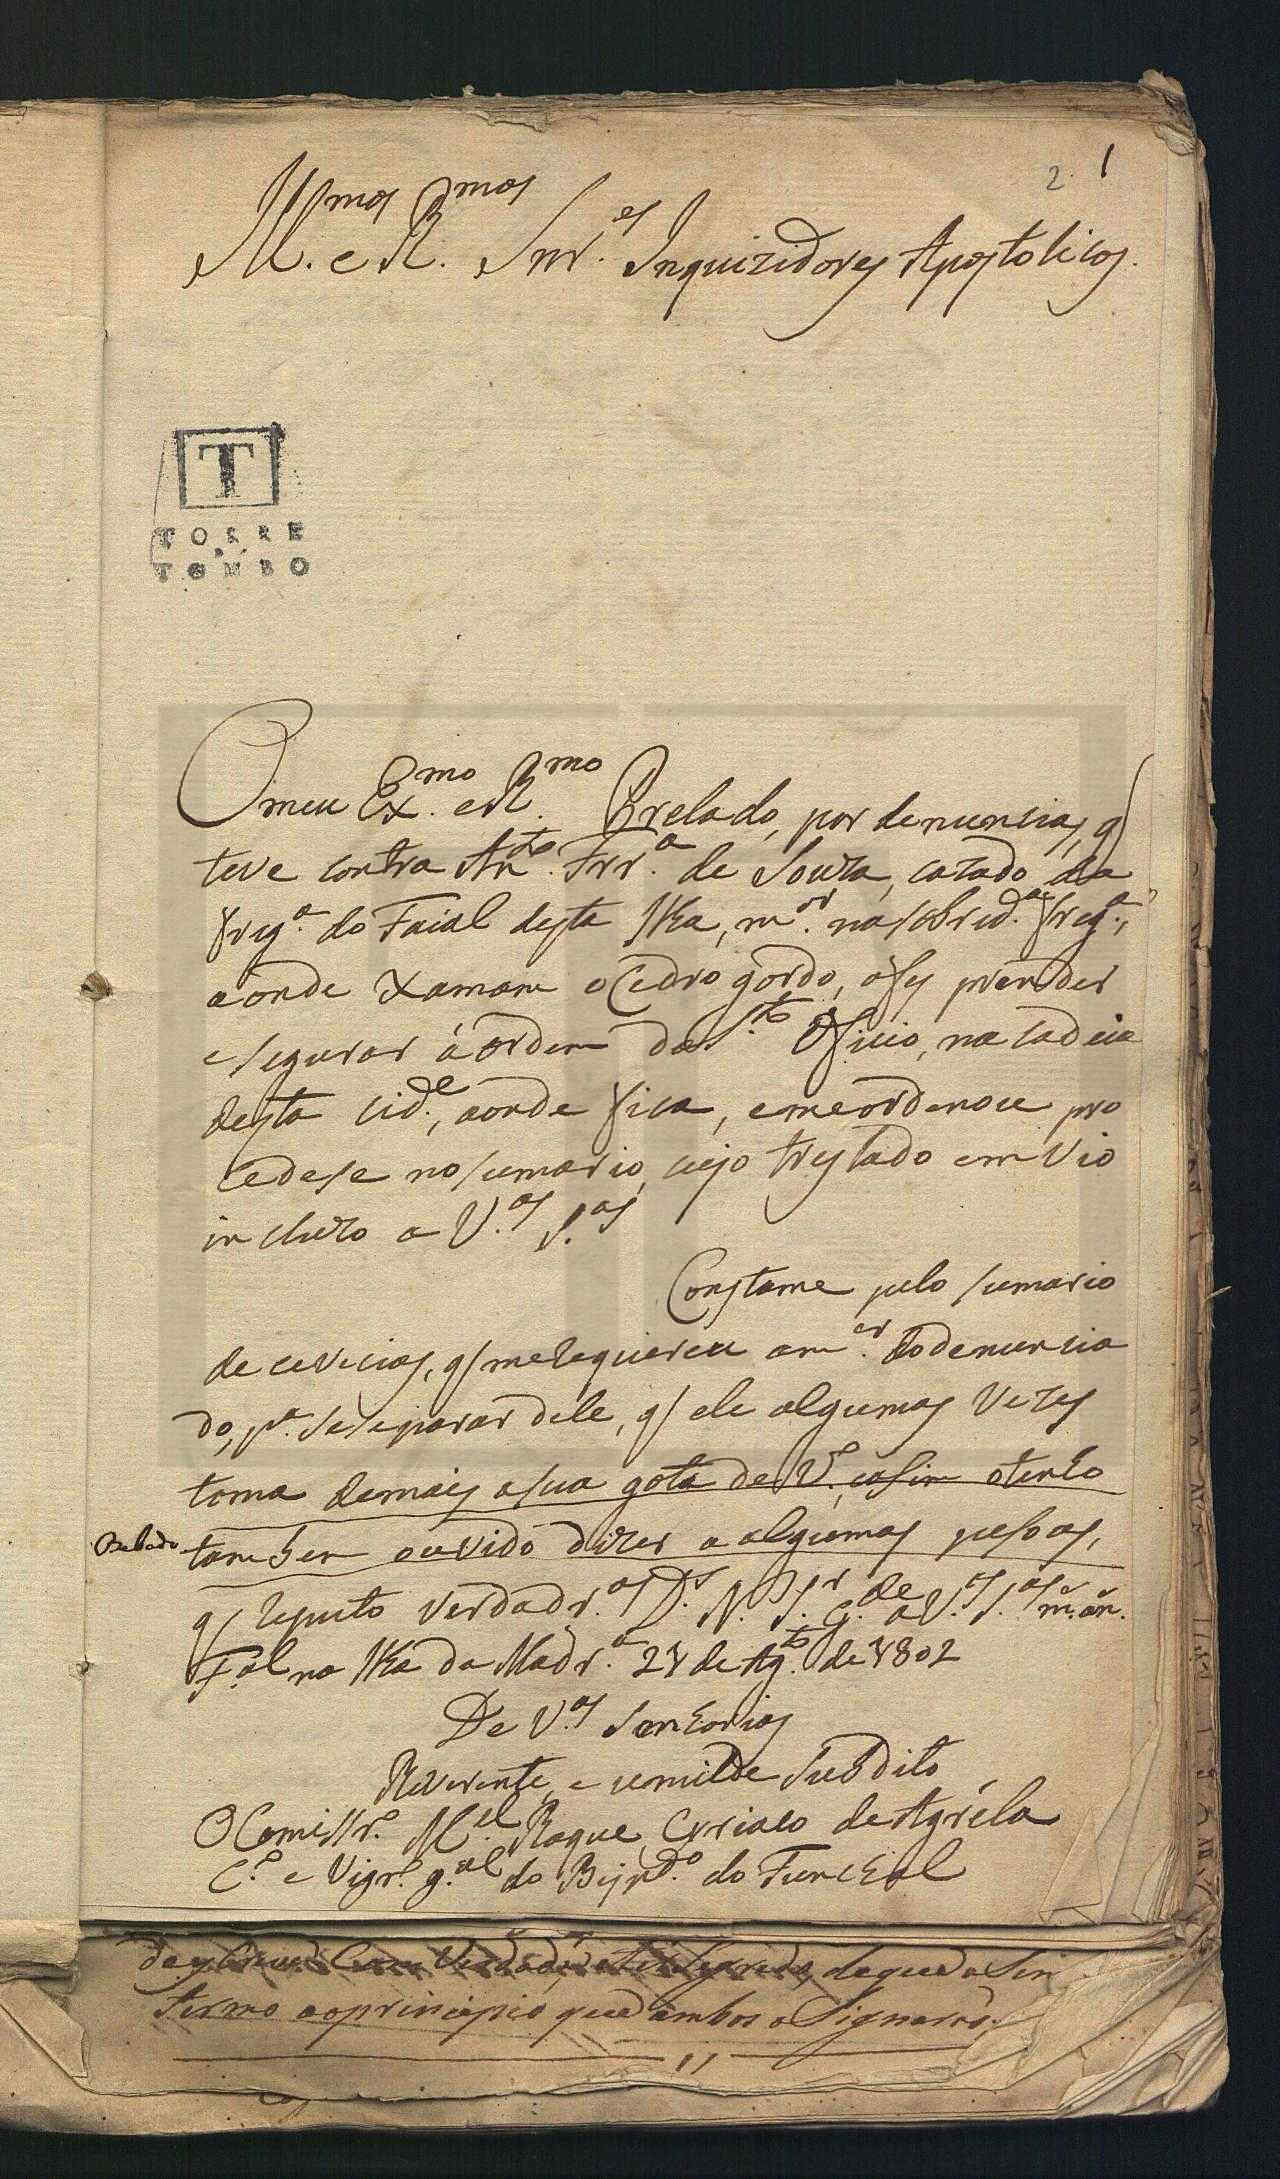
1
Ill.mos e R.mos Snr.es Inquizidores Apostolicos.
O meu Ex.mo e R.mo Prelado, por denuncias, q̄
teve contra An.to Frr.a de Souza, cazado da
freg.a do Faial desta Ilha, m.or na sobred.a freg.a,
aonde xamam o Cedro gordo, o fes prender
e segurar á ordem do S.to Oficio, na cadeia
desta cid.e, aonde fica, e me ordenou pro
Cedese no sumario, cujo treslado emvio
incluzo a V.as S.as
Constame pelo sumario
de cevicios, q̄ me Requereu a m.er do denuncia
do, p.a se separar dele, q̄ ele algumas vezes
toma demais a sua gota de V.o, e asim o tenho
tambem ouvido dizer a algumas pesoas,
Bebado
q̄ Reputo verdadr.as D.s N.s S.r g.de a V.s S.as m.s an.s
F.al na lha da Madr.a 21 de Ag.to de 1802
De V.as Senhorias
Reverente, e umilde subdito
O Comissr.o M.el Roque Cyriaco de Agréla
C.o e Vigr.o g.al do Bisp.do do Funchal
termo ao principio que ambos aSignaraõ.
